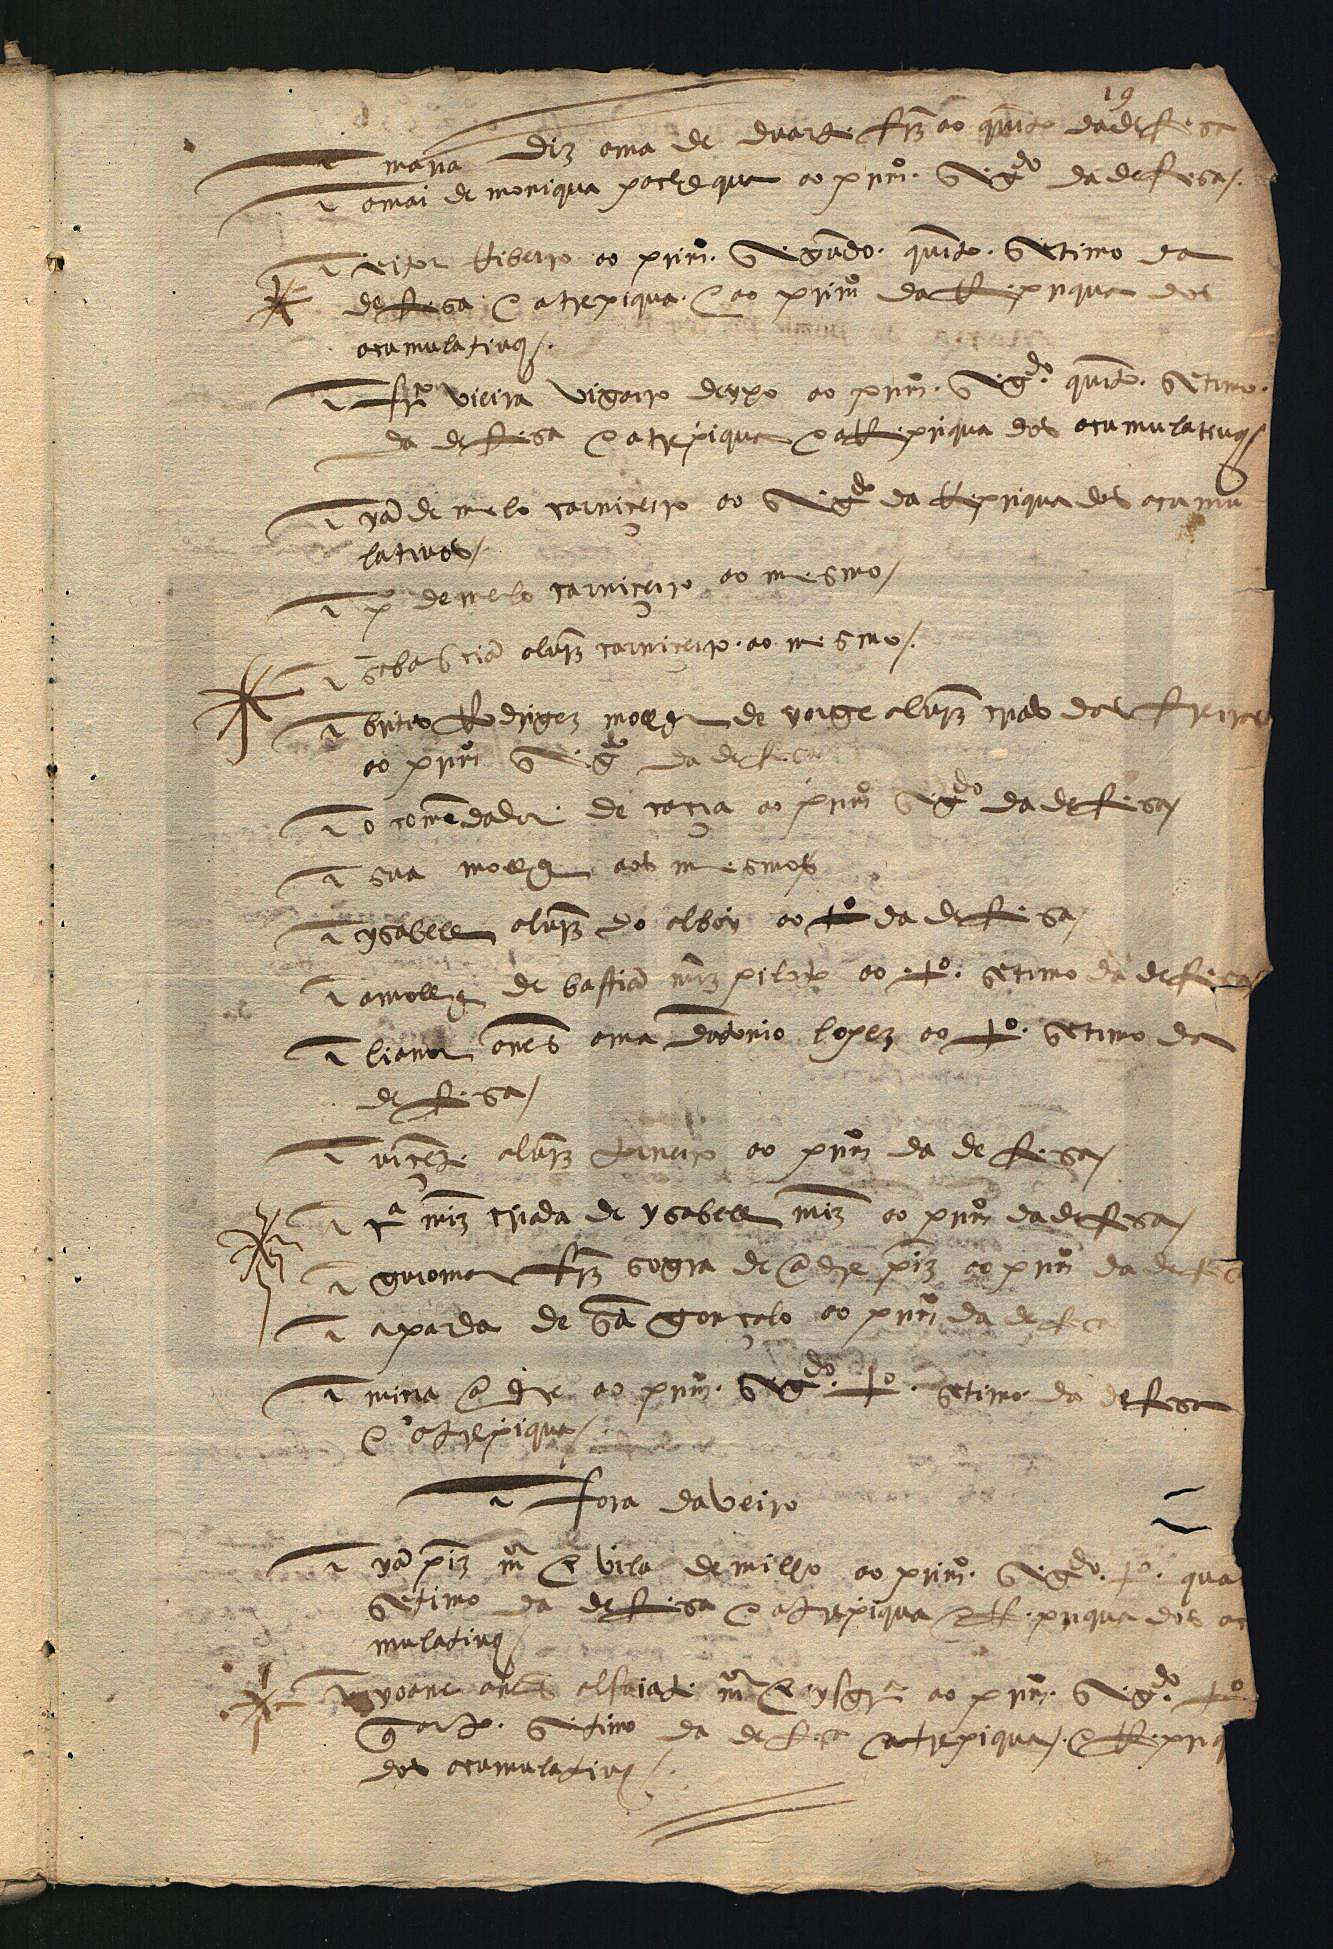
item maria diz ama de duarte fr̄z ao qūito da defesa
item a mai de moniqua pachequa ao primo. segdo da defesa /.
item eitor Ribeiro. ao primo. segūdo. q̄uito. setimo da
defesa e a trepiqua. e ao primo da Repriqua dos
acumulatiuꝯ /.
item frco vieira vigairo deyxo ao primo. segdo. qūito. setimo.
da defesa e a trepiqua e a Retriqua dos acumulatiuꝯ/
item yā de melo carniçeiro ao segdo da Repriqua dos acumu
latiuos /.
item po de melo carniçeiro ao mesmo /
item sabastiā alur̄z carniçeiro. ao mesmo /.
item brites Rodrigez molher de yorge alūrz criado das freiras
ao primo segdo da defesa
item o com̄edador. de caçia ao primo segdo da defesa /
item sua molher aos mesmos/
item ysabell alur̄z do alboy ao to da defesa/
item a molher de bastiā mīz piloto ao .to. setimo da defesa
item lianor ānes ama d̄atonio lopez ao to. setimo da
defesa /
item uiç̄ente alūrz torneiro ao primo da defesa /
item ca m̄iz criada de ysabell m̄iz ao primo da defesa/
item guiomar fr̄z sogra de ādre p̄iz ao primo da defes
item a parda de s̄a gonçalo ao primo da defesa
item miçia ādre ao primo. segdo. to. setimo. da defesa
e a trepiqua /
item fora daveiro
item yā p̄iz mor ē vila de milho ao primo. segdo. to. qua
setimo da defesa e a trepiqua e Repriqua dos ac
mulatiuꝯ /
item yoane anes alfaiate mor ē a ysgra ao primo. segdo. to
q̄arto. setimo da defesa e a trepiqua/. e Repriq
dos acumulatiuꝯ /.
